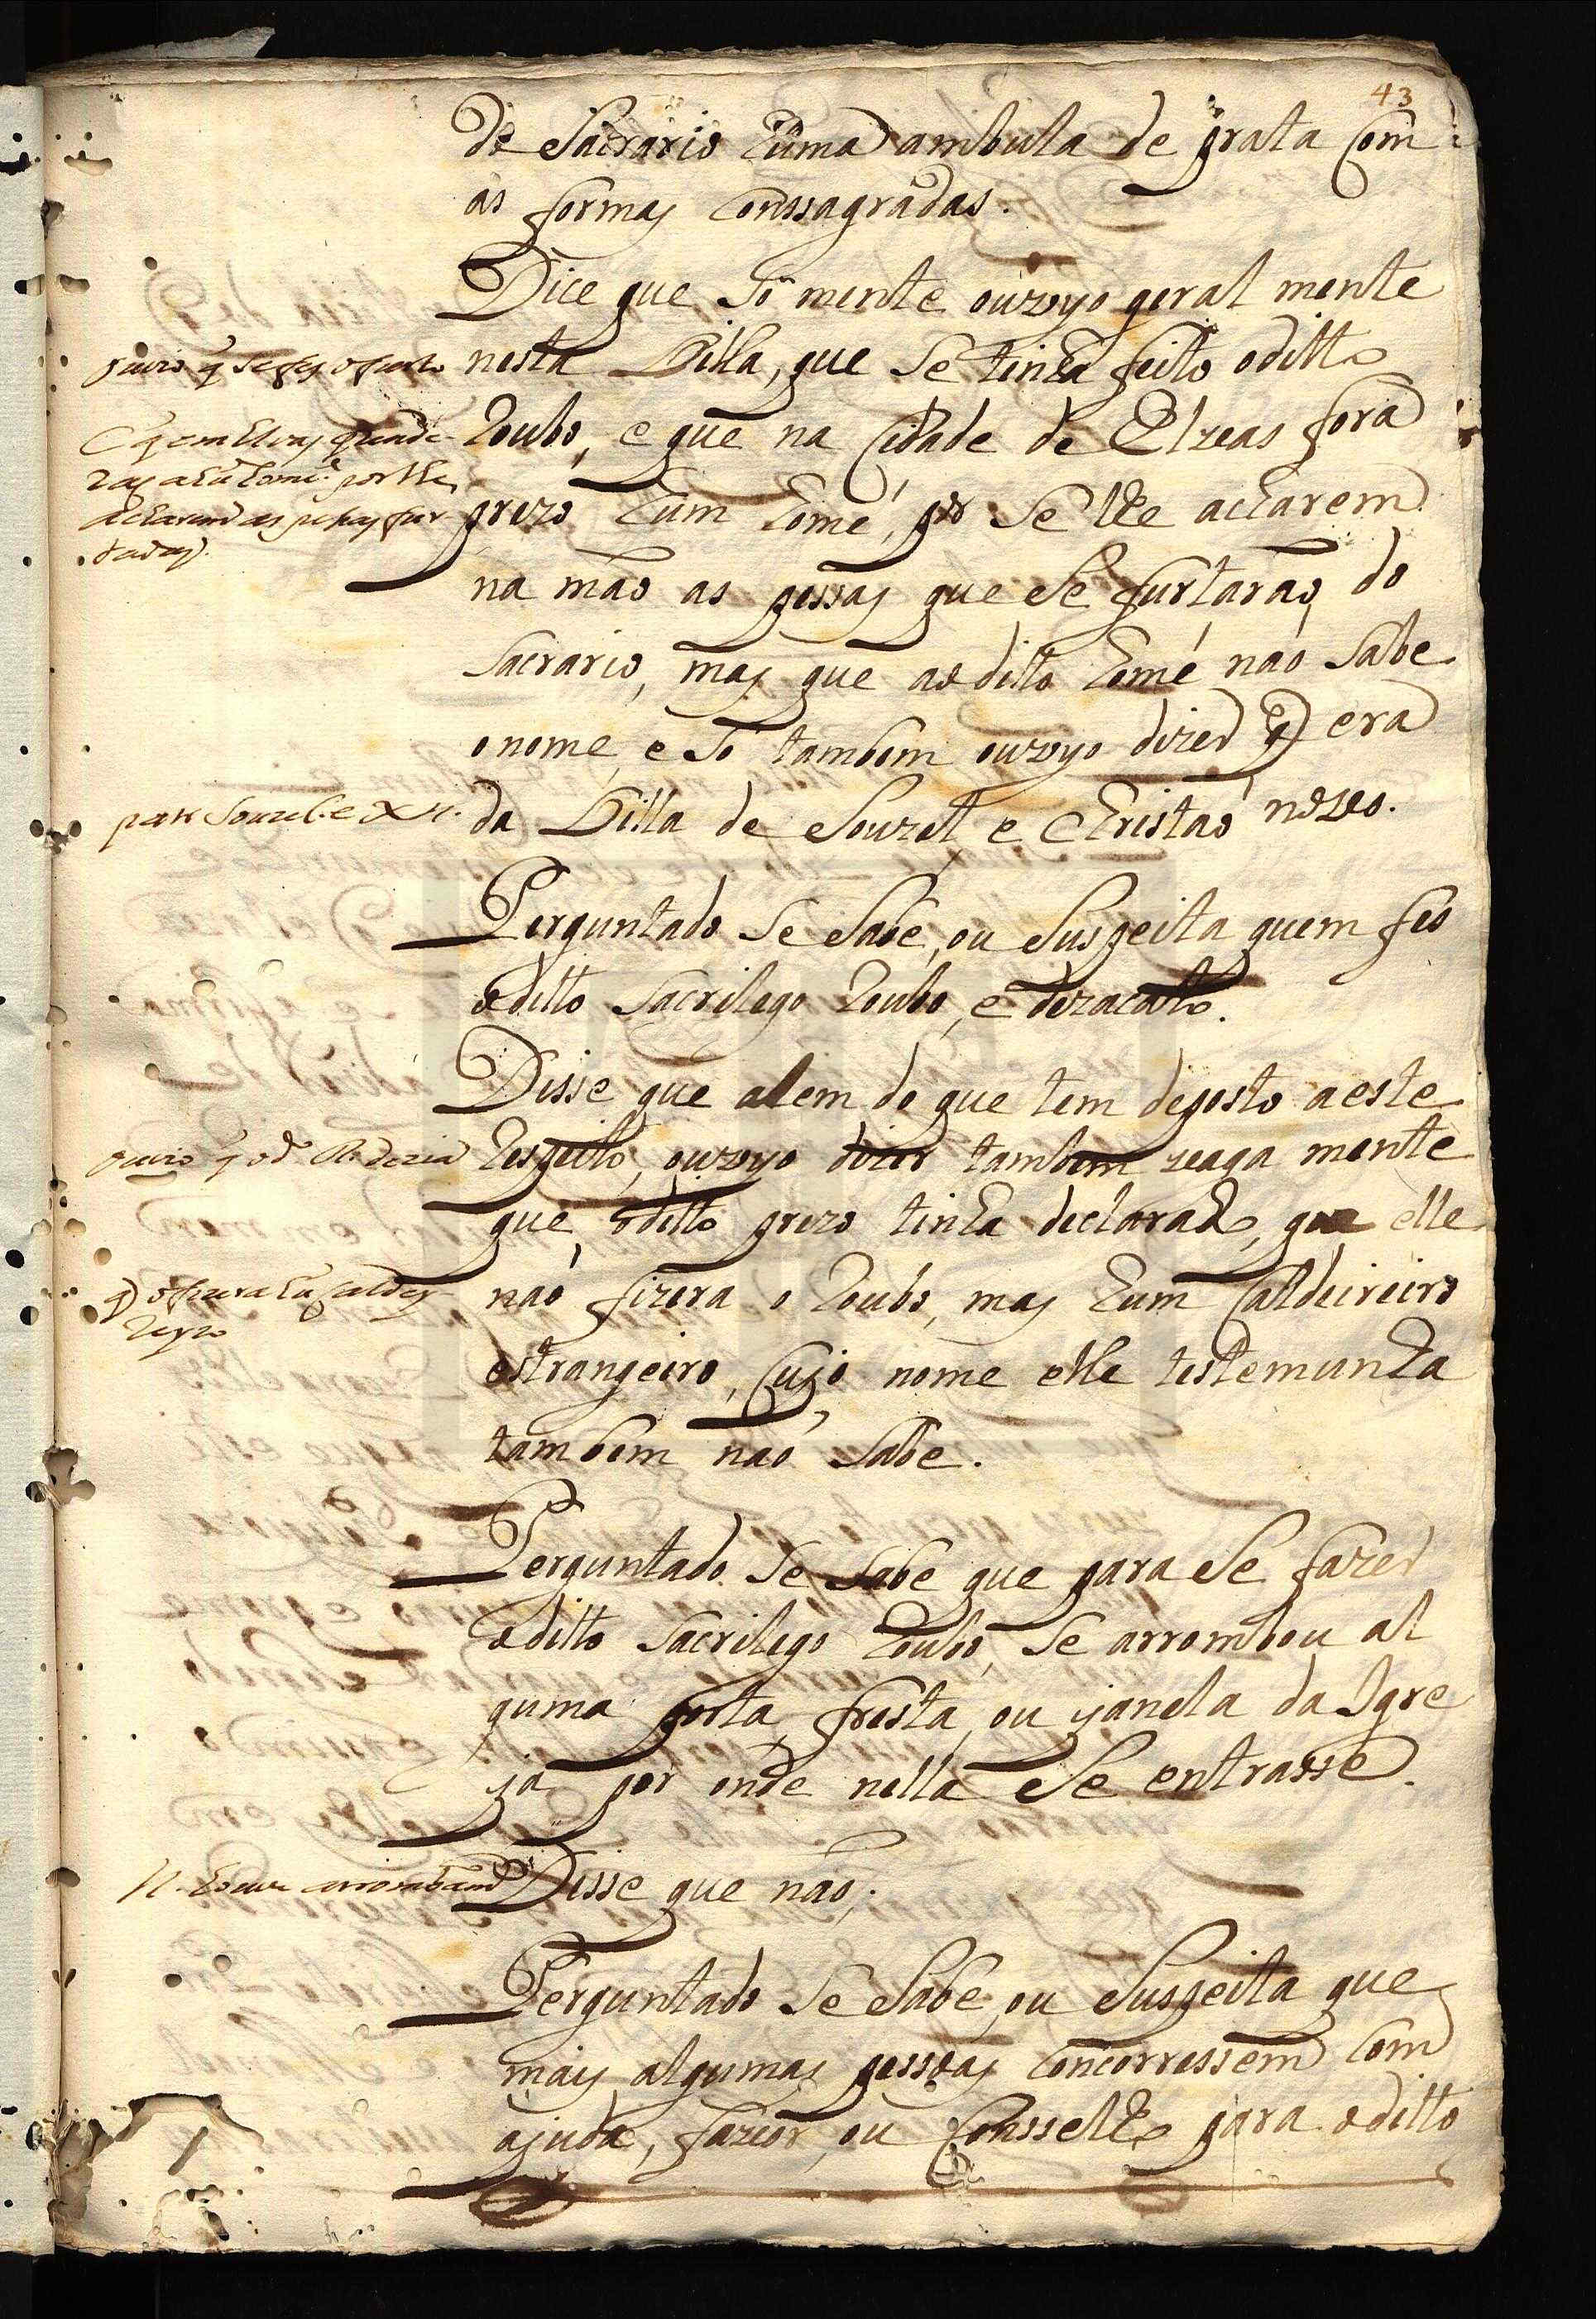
43
do Sacrario huma ambula de prata Com
as formas conssagradas.
Dice que sómente ouvyo geralmente
juizo q̄ se fes o furto
nesta Villa, que se tinha feito o ditto
E q̄ em Elvas prende
Roubo e que na Cidade de Elvas fora
raõ a hū homē. por lhe
prezo hum homē por se lhe acharem
acharem as pessas fur
tadas.
na maõ as pessas que se furtaraõ, do
Sacrario, mas que ao ditto homē naõ sabe
o nome, e só tambem ouvyo dizer q̄ era
patr Souzel e x n.
da Villa de Souzel, e christaõ novo
Perguntado se Sabe, ou Suspeita quem fes
o ditto Sacrilego Roubo, e dezacato.
Disse que alem do que tem deposto a este
ouvio q̄ o d.o R. dezia
Respeito, ouvyo dizer tambem vagamente
que, o ditto prezo tinha declarado, que elle
q̄ o fizera hū Caldey
naõ fizera o Roubo, mas hum Caldeireiro
Reyro
estrangeiro, Cujo nome elle testemunha
tambem naõ sabe.
Perguntado se sabe que para se fazer
o ditto Sacrilego Roubo, se arrombou al
guma porta, fresta, ou janela da Igre
ja por onde nella Se entrasse.
n. houve arrombamto
Disse que não;
Perguntado se Sabe, ou Suspeita que
mais algumas pessoas concorressem com
ajuda, favor, ou Consselho para o ditto
